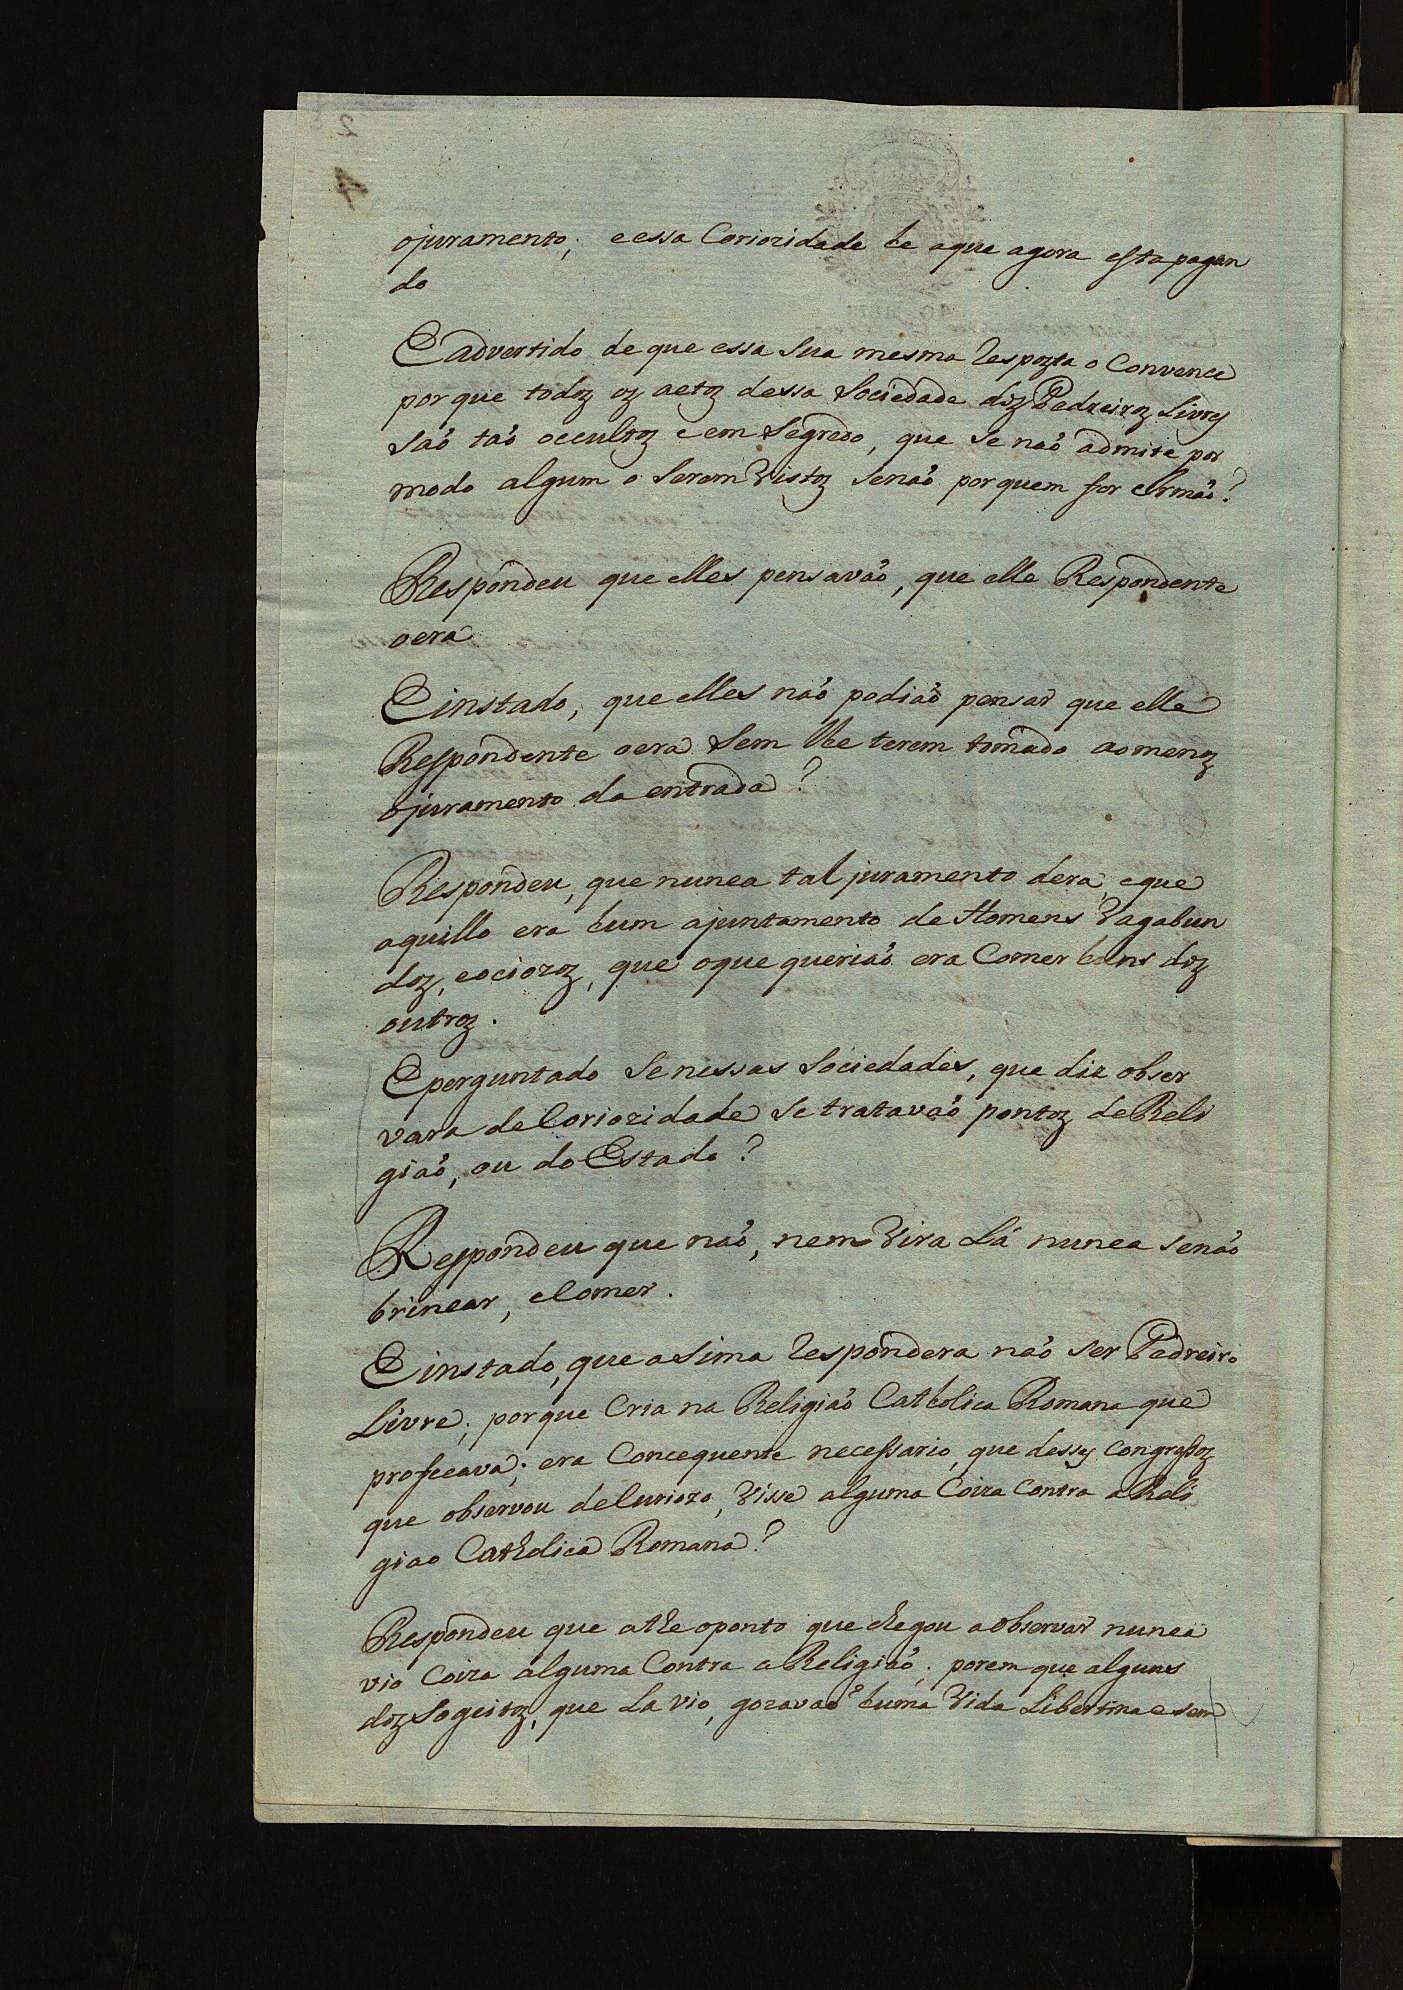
o juramento; e essa Coriozidade he a que agora esta pagan
doẽ
E advertido de que essa sua mesm respozta o convence
por que todoz oz actoz dessa Sociedade doz Pedreiroz Livres
saõ tão occultoz e em Segredo, que se naõ admite por
modo algum o serem vistoz senaõ por quem for Irmaõ?
Respondeu que elles pensavaõ, que elle Respondente
o era
E instado, que elles naõ podiaõ pensar que elle
Respondente o era sem lhe terem tomado ao menoz
o juramento da entrada?
Respondeu, que nunca tal juramento dera, e que
aquillo era hum ajuntamento de Homens Vagabun
doz, e ociozos, que o que queriaõ era comer bens doz
outroz.
E perguntado se nessas Sociedades, que diz obser
vara de Coriozidade se tratavaõ pontoz de Reli
giaõ, ou do Estado?
Respondeu que naõ, nem Vira Lá nunca senão
brincar, e comer.
E instado, que asima respondera naõ ser Pedreiro
Livre; porque cria na Religiaõ Catholica Romana que
profecava; era concequente necessario, que desses congressos
que observou de Curiozo, visse alguma Coiza contra a Reli
giao Catholica Romana?
Respondeu que athe o ponto que chegou a observar nunca
vio coiza alguma contra a Religiaõ; porem que alguns
doz sogeitoz, que La vio, gozavaõ huma Vida Libertina e sem
